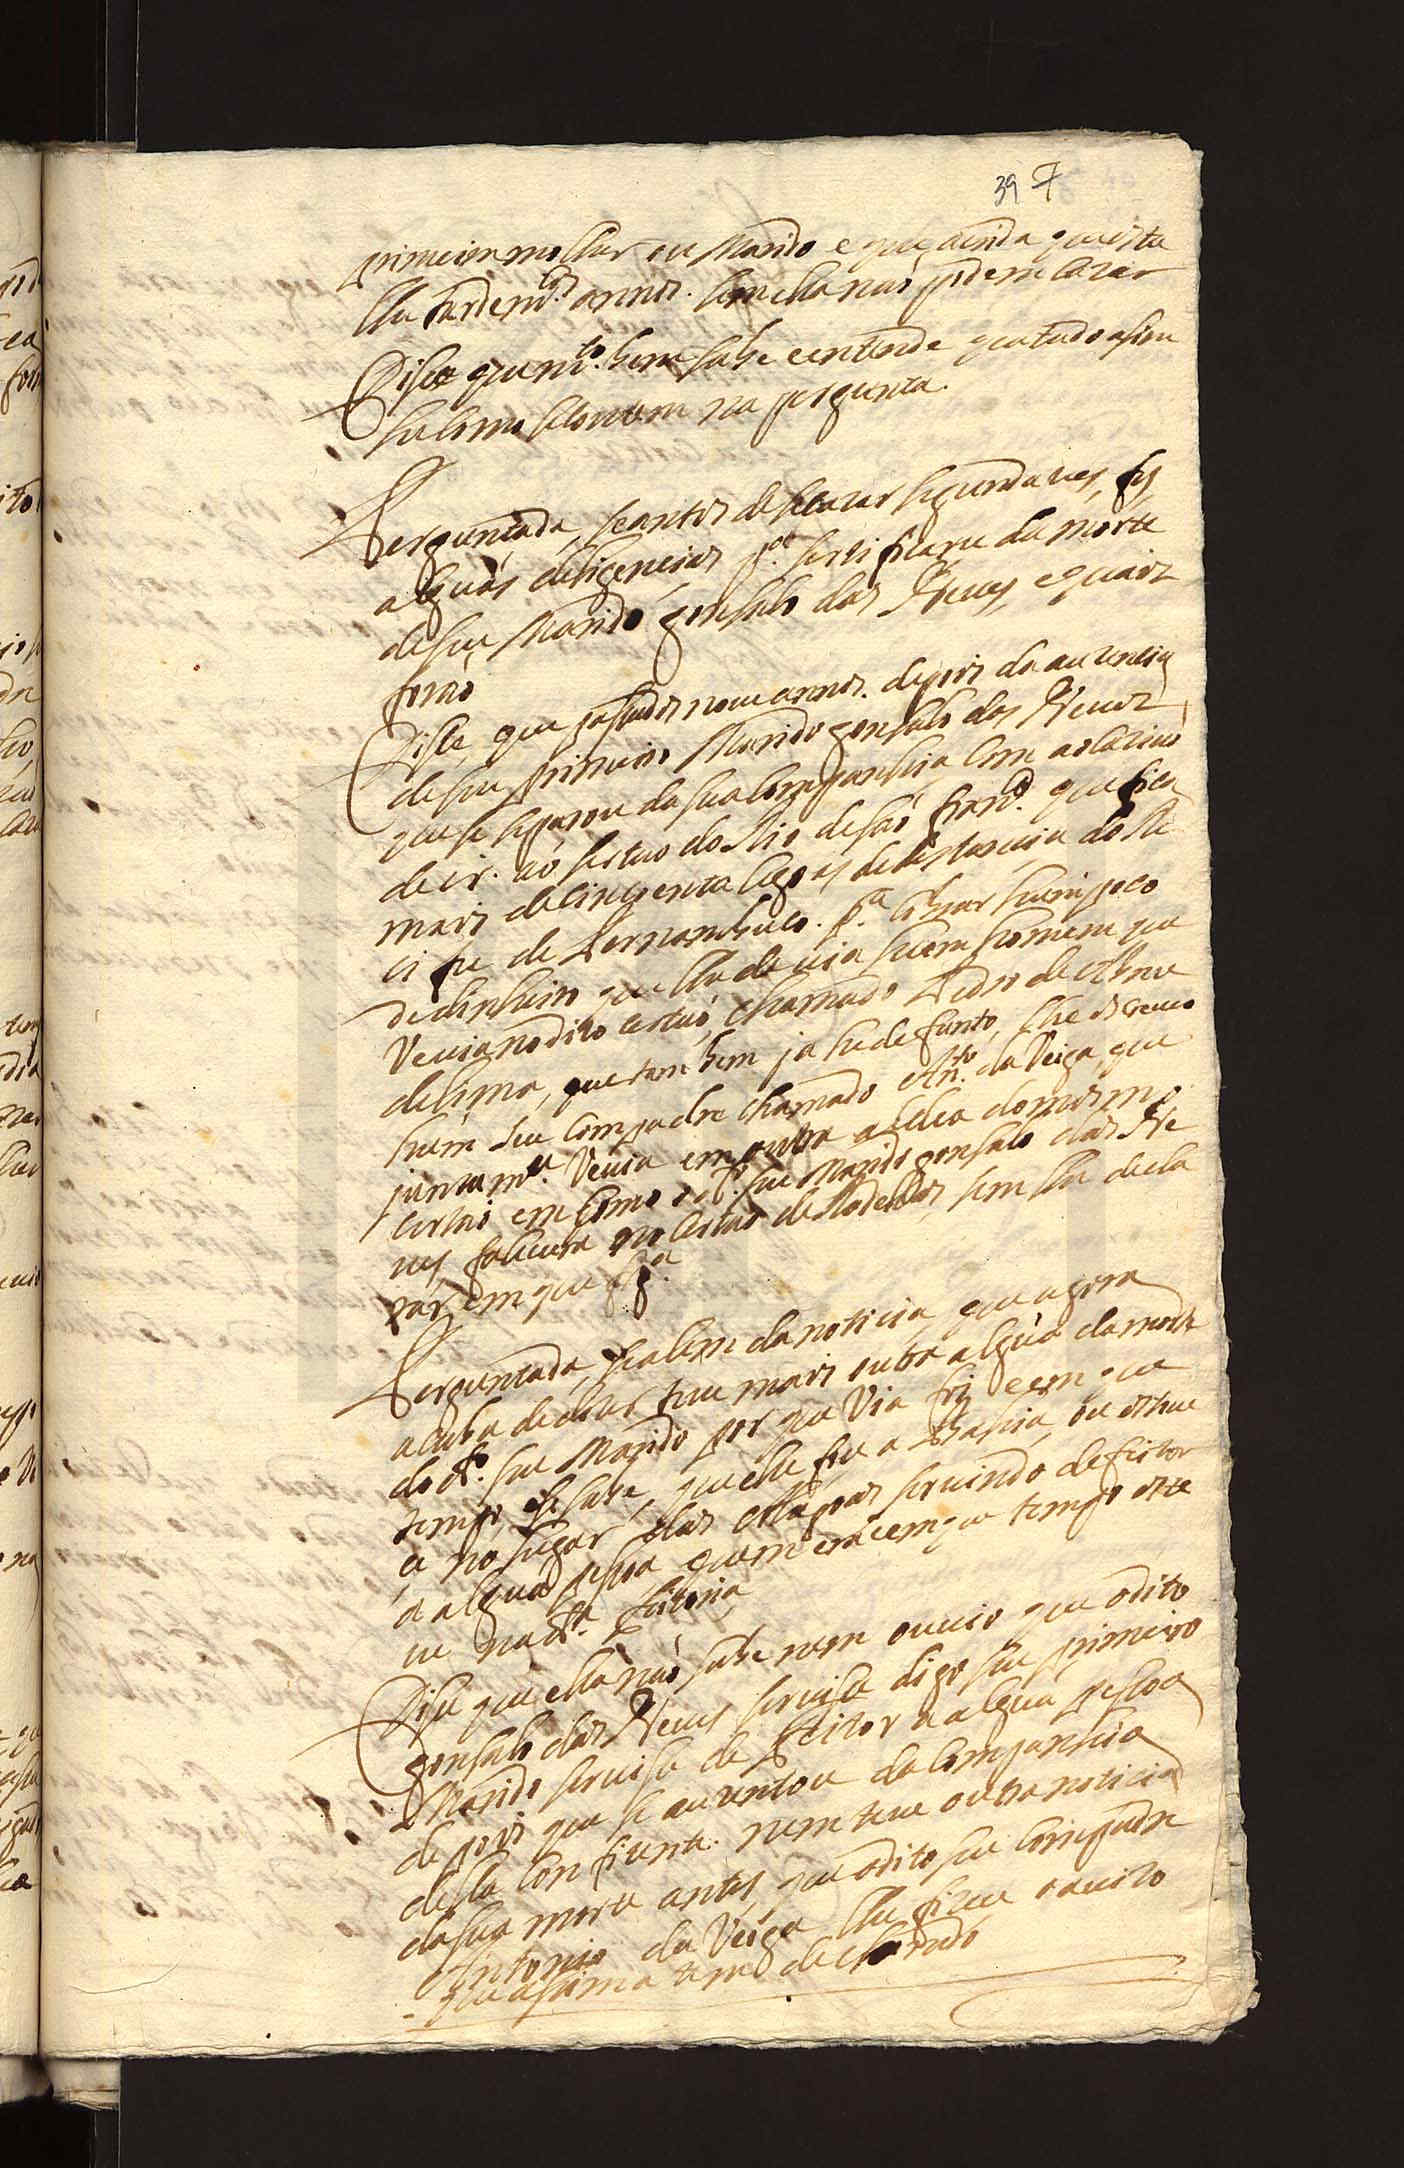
primeira molher ou Marido, e que ainda que os ca
lla tarde m.tos annos. com ella naõ podem cazar
Disse que mto. bem sabe e entende que tudo assim
he como a contem na pergunta.
Perguntada se antes de se cazar segunda ves, fez
alguās deligencias p.a sertificarse da morte
de seu Marido gonsalo das Neues, e quaiz
foraõ
Disse que passados noue annos depois da auzencia
de seu primeiro Marido gonsalo das Neuez
que separou da sua Companhia com a ocaziaõ
de ir ao Sertao do Rio de saõ fran.co que fica
mais de cincoenta legoas de distancia do Re
cife de Pernambuco. p.a cobrar hum poco
de dinheiro que lhe devia hum homem que
Veuia no dito certaõ, chamado Pedro de Abreu
de lima, que tambem ja he defunto, lhe escreueo
hum seu Compadre chamado An.to da Veiga, que
juntam.te Vevia em outra aldea do mesmo
certaõ em Como o d̄.o seu marido gonsalo das Ne
ues falecera no Certão de Rodellos, sem lhe decla
rar em que frg.a
Perguntada, se alem da noticia, que agora
acaba de dizer teue mais outra algūa da morte
do d̄.o seu marido por que via foi e em que
tempo se sabe, que elle foce a Bahia, ou esteue
ce no lugar das Alagoas seruindo de feitor
a alguā pessoa, quem era e em que tempo este
ue na d̄.ta feitoria
Disse que ella naõ sabe nem ouuio que o dito
gonsalo das Neues servisse digo seu primeiro
Marido seruisse de Feitor a alguā pessoa
depois que se auzentou da Companhia
della confitente nem teue outra noticia
da sua morte antes, que o dito seu compadre
Antonio da Veiga lhe fizece o auizo
que asima tem declarado
